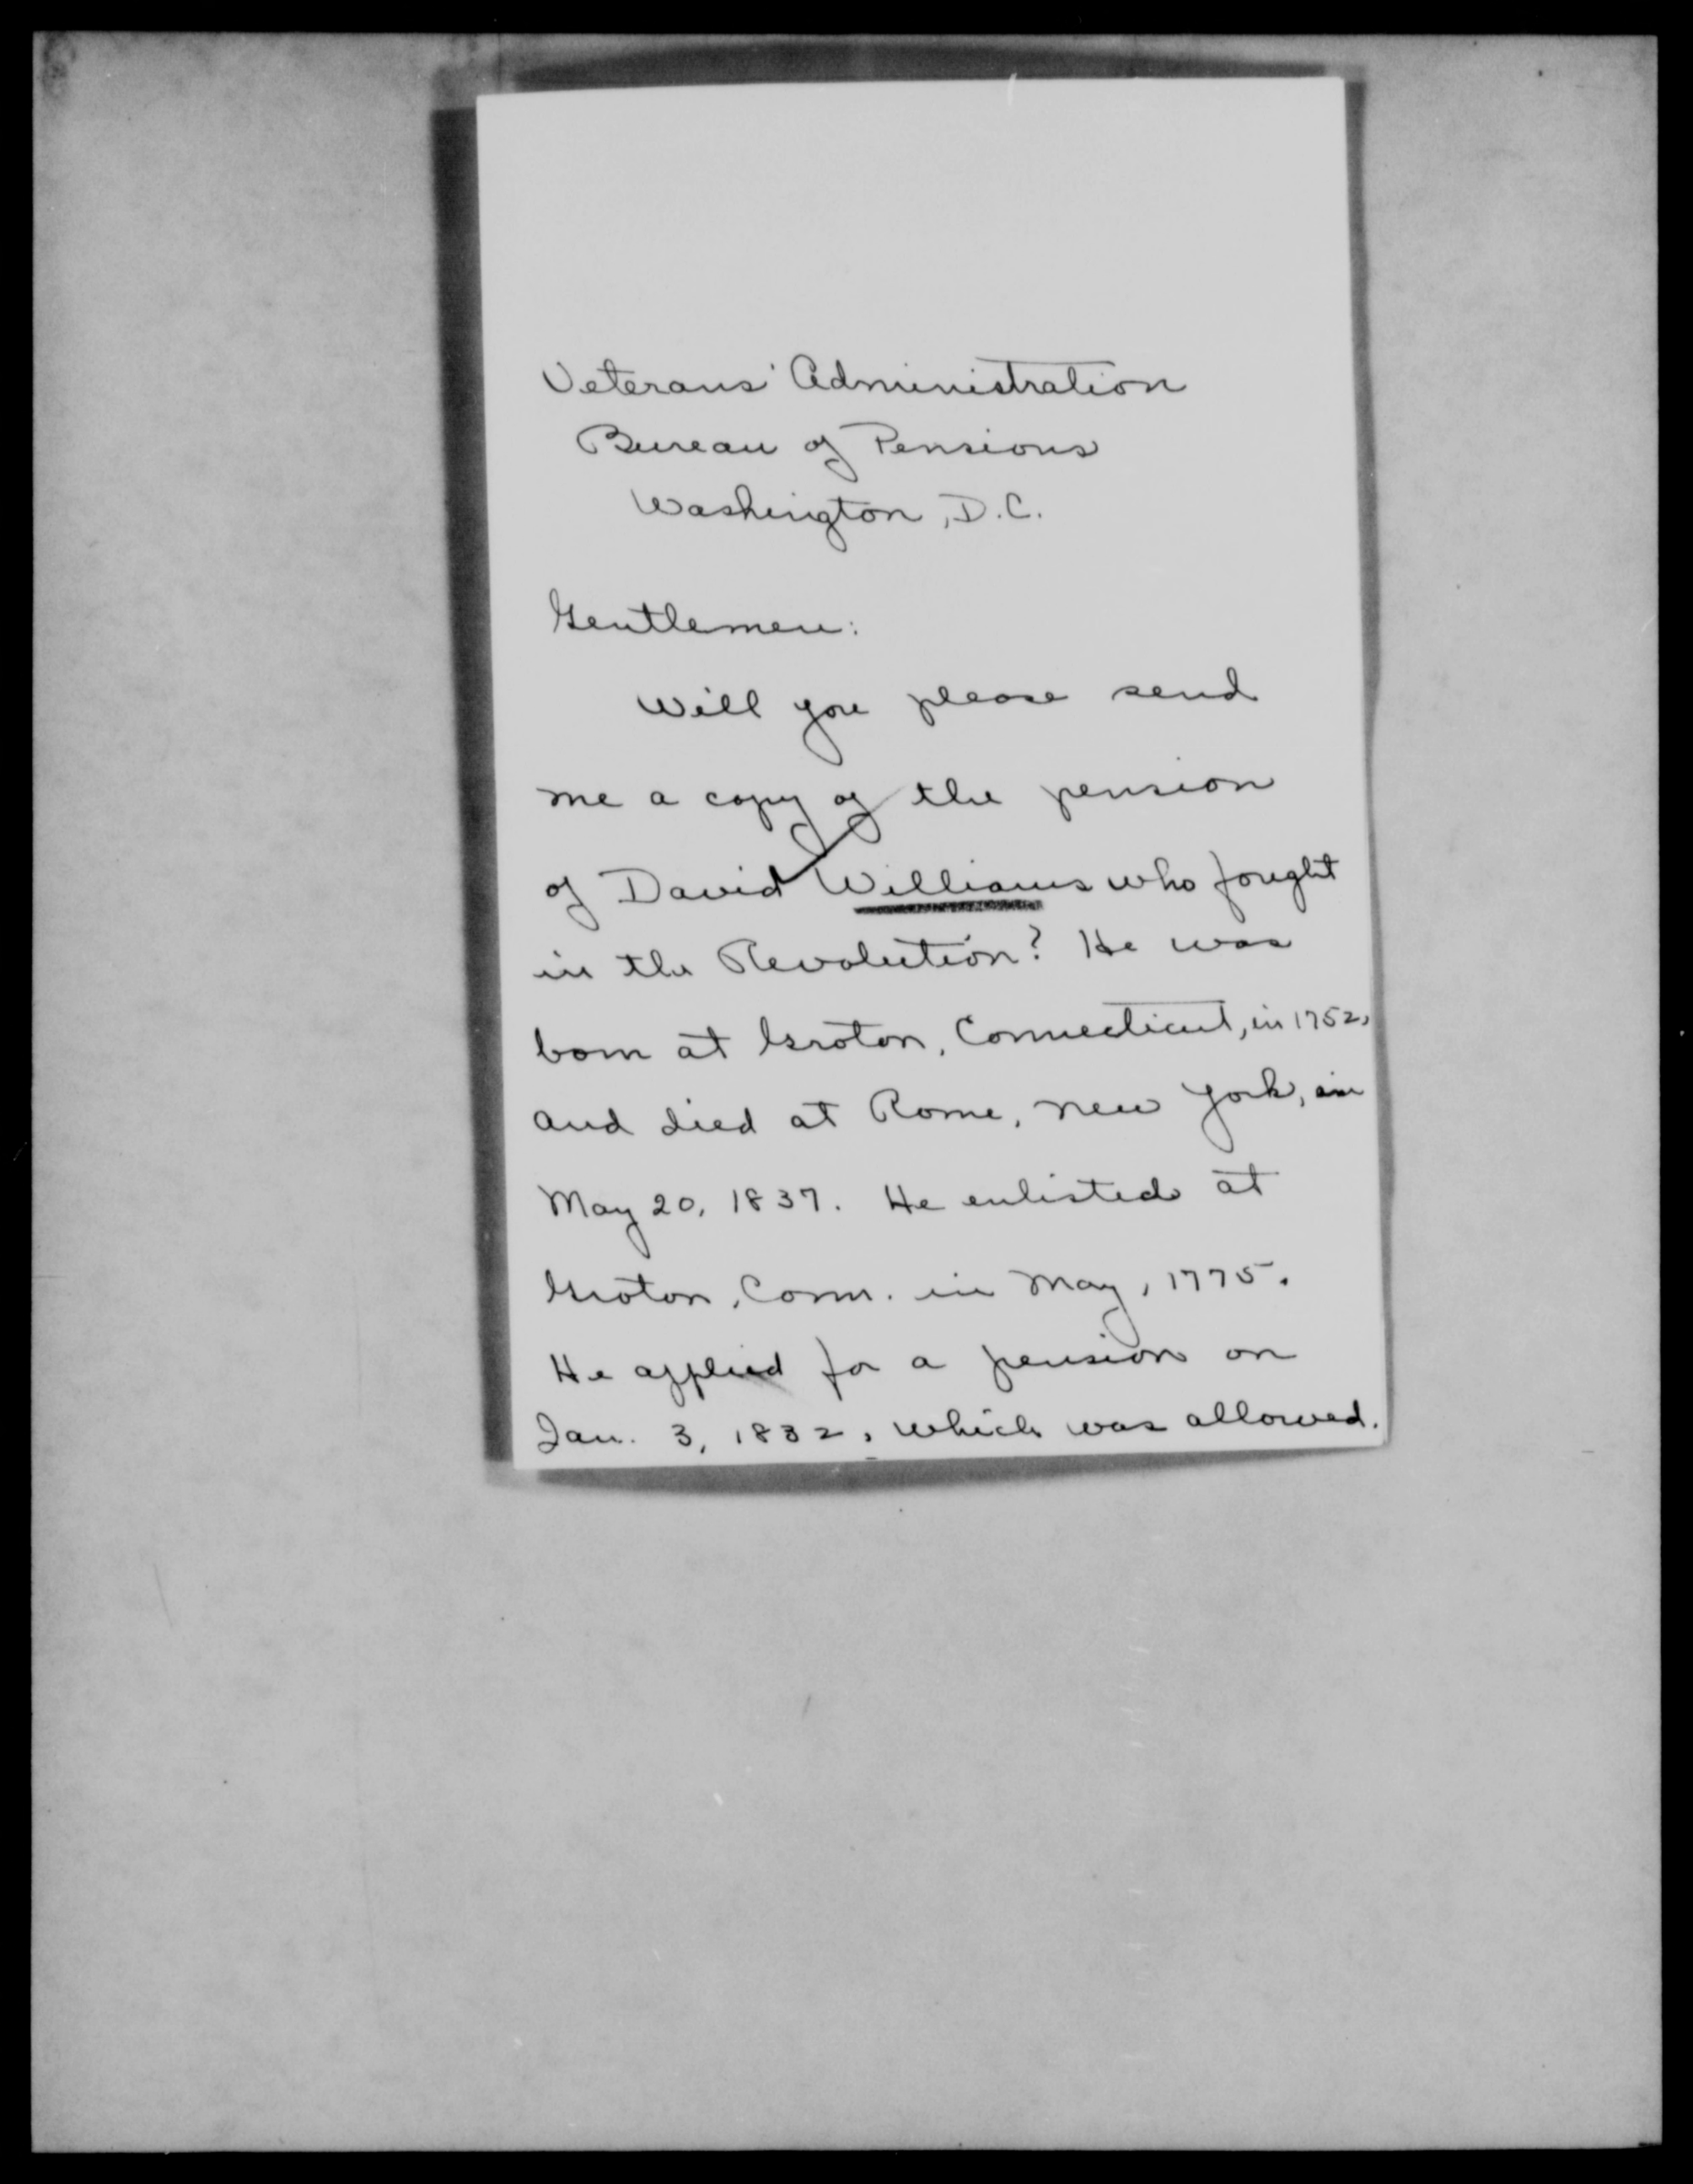Veterans Administration
Bureau of Pensions
Washington, D. C.

Gentlemen:
Willyou please send me a copy of the pension of David Williams who fought in the Revolution?  He was born at Groton, Connecticut in 1752, and died at Rome, New York in May 20, 1837. He enlisted at Groton, Conn. in May, 1775.  He applied for a pension on Jan 3, 1832, which was allowed.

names: David Williams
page: 58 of 63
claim: widow's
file: W. 22,632, David Williams, Conn. Continental Privateer